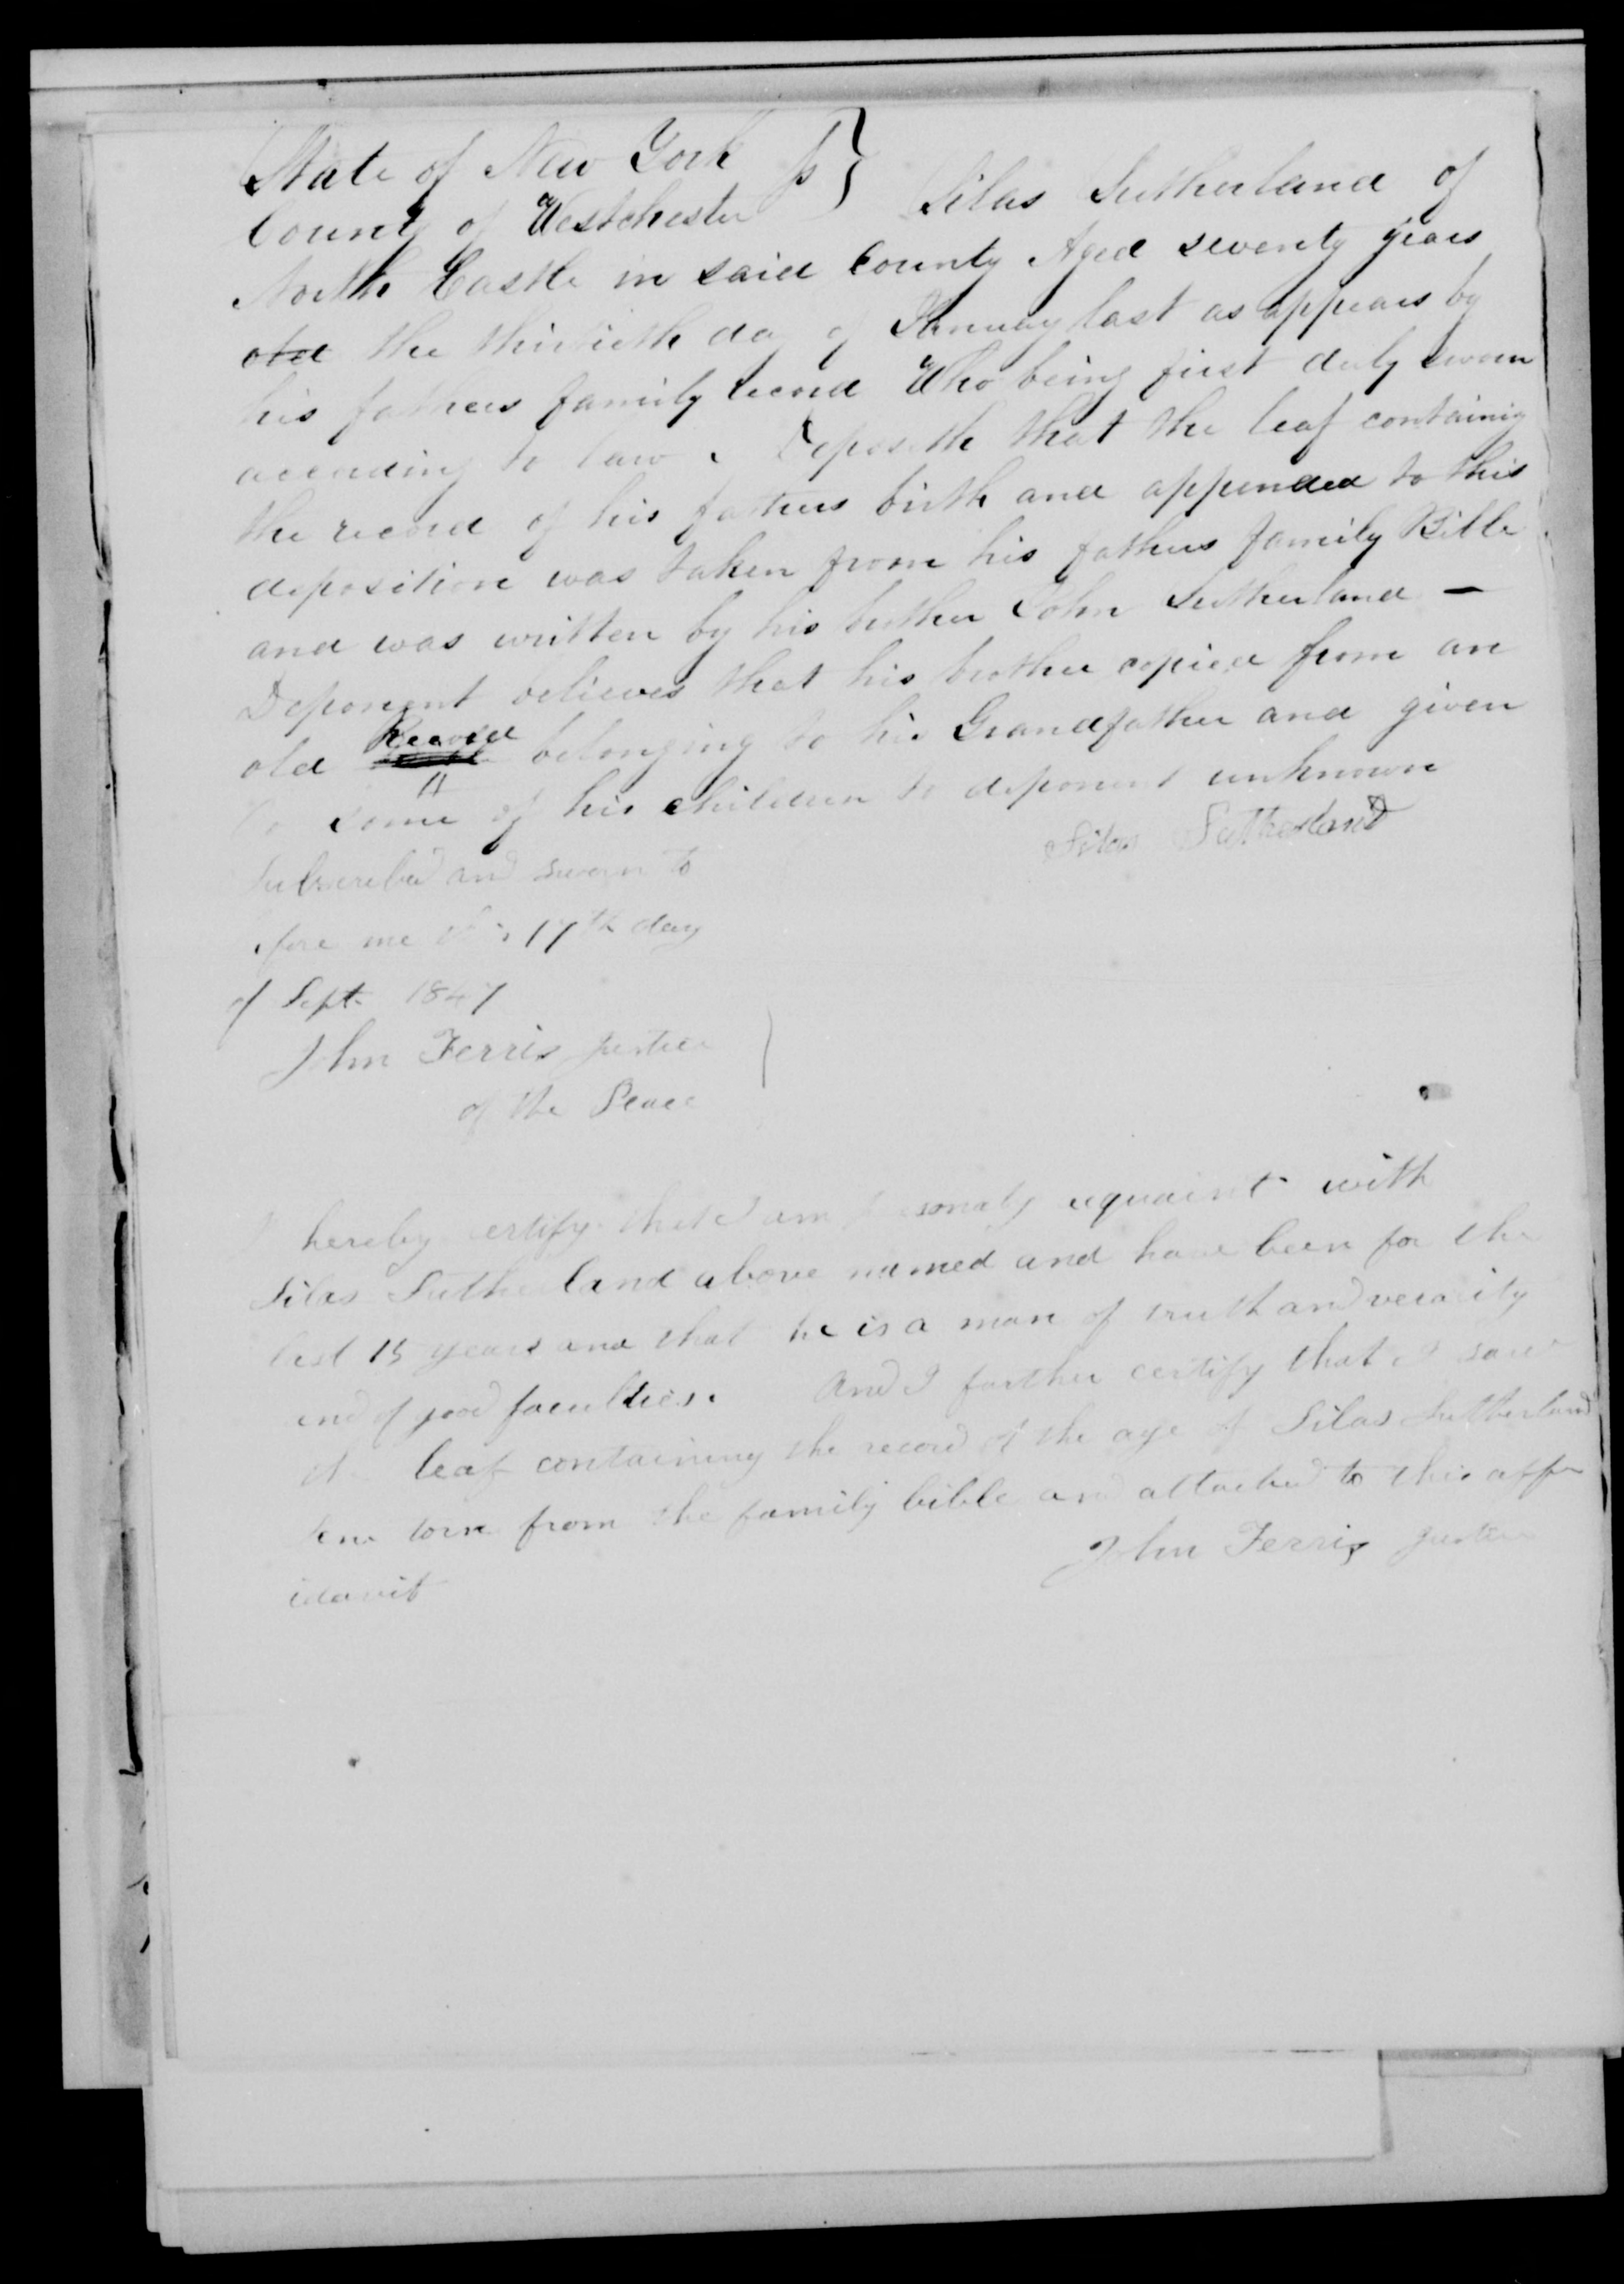State of New York
County of Westchester ss } 

Silas Sutherland of North Castle in said county Aged seventy years the thirteenth day of January last as appears by his father's family Record who being first duly sworn according to law, Deposith that the leaf containing the record of his father's birth and appended to this deposition was taken from his father's family Bible and was written by his father John Sutherland.  Deponent believes that his brother copied from an old Record belonging to his Grandfather and given to some of his children to deponent unknown.  

Silas Sutherland

Subscribed and sworn to before me this 17th day of Sept. 1847

John Ferris Justice of the Peace

I hereby certify that I am personally acquainted with Silas Sutherland above named and have been for the last 15 years and that he is a man of truth and veracity and of good faculties.  And I further certify that I saw the leaf containing the record of the age of Silas Sutherland [?] torn from the family bible and attached to this affidavit.  

John Ferris Justice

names: Silas Sutherland; John Ferris; Silas Sutherland; Silas Sutherland; John Sutherland; Silas Sutherland; John Ferris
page: 14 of 77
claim: survivor's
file: S. 23003, for Silas Southerland, New York